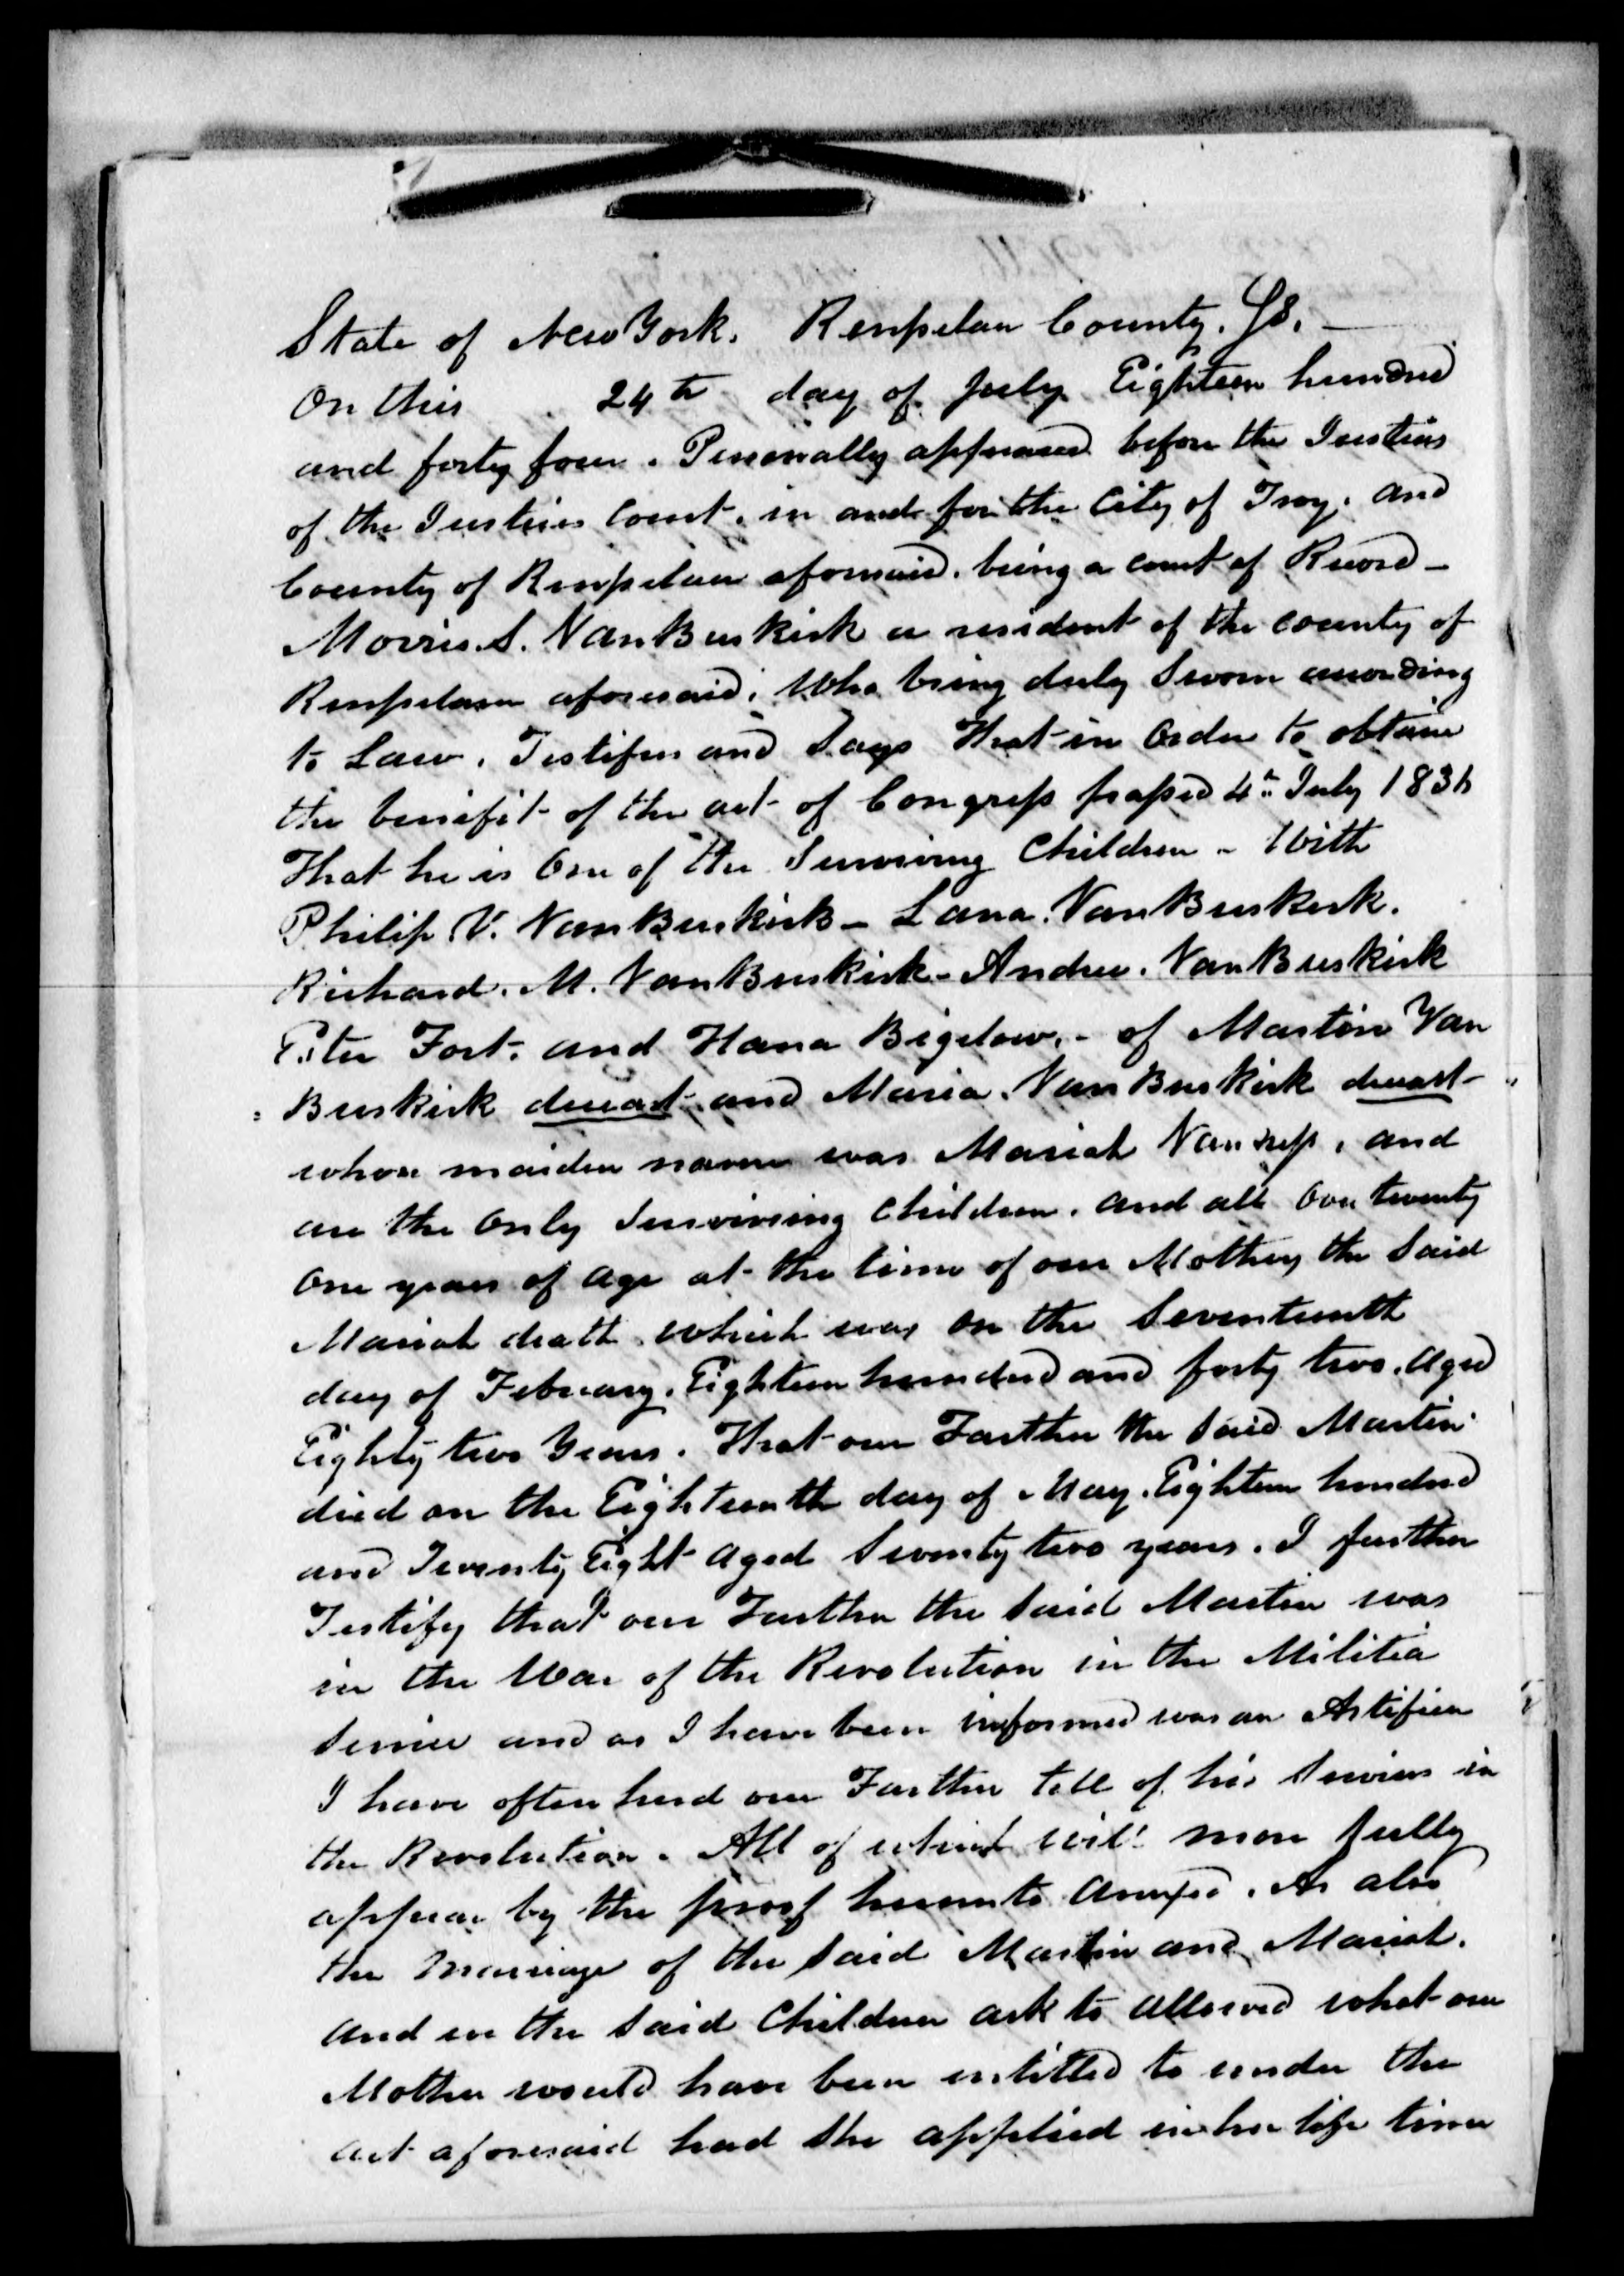State of New York.
Rensselaer County ss.

On this 24th day of July Eighteen hundred
and forty four. Personally appeared before the Justices of the Justices Court in and for the City of Troy, and County of Rensselaer aforesaid, being a Court of Record - Morris S. Van Buskirk a resident of the County of
Rensselaer aforesaid, who being duly sworn according to Law, Testifies and says that in order to obtain the benefit of the act of Congress passed 4th July 1836  That he is one of the surviving children with - to witt [sic] Philip V. Van Buskirk, Lana. Van Buskirk.  Richard. M. Van Buskirk.  Andrew. Van Buskirk Ester Fort. and Hana Bigelow. of Martin Van Buskirk deceased [deceased is underlined] and Maria. Van Buskirk deceased [deceased is underlined] 
whose maiden name was Mariah Van Ness, and are the only surviving children, and all over twenty one years of age at the time of our mother the said Mariah death which was on the Seventeenth day of February. Eighteen hundred and forty two. aged Eighty two years. That our Father the said Martin died on the Eighteenth day of May Eighteen hundred and Twenty Eight aged Seventy two years. I further
Testify that our farther the said Martin was in the War of the Revolution in the Militia service and as I have been informed was an Artificer I have often herd our farther tell of his services in the Revolution. All of which will more fully
appear by the proof hereunto annexed.  As also the marriage of the said Martin and Mariah. and in the said children ask to allowed what our Mother would have been entitled to under the act aforesaid had she applied in her life time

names: Lana Van Buskirk, Martin Van Buskirk, Mariah, Maria Van Buskirk, Hana Bigelow, Ester Fort, Morris S Van Buskirk, Andrw Van Buskirk, Martin, Richard M Van Buskirk, Mariah, Martin, Martin, Mariah Van Ness, Philip V Van Buskirk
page: 2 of 70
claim: rejected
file: R. 10,832, Martin Van Buskirk, New York.